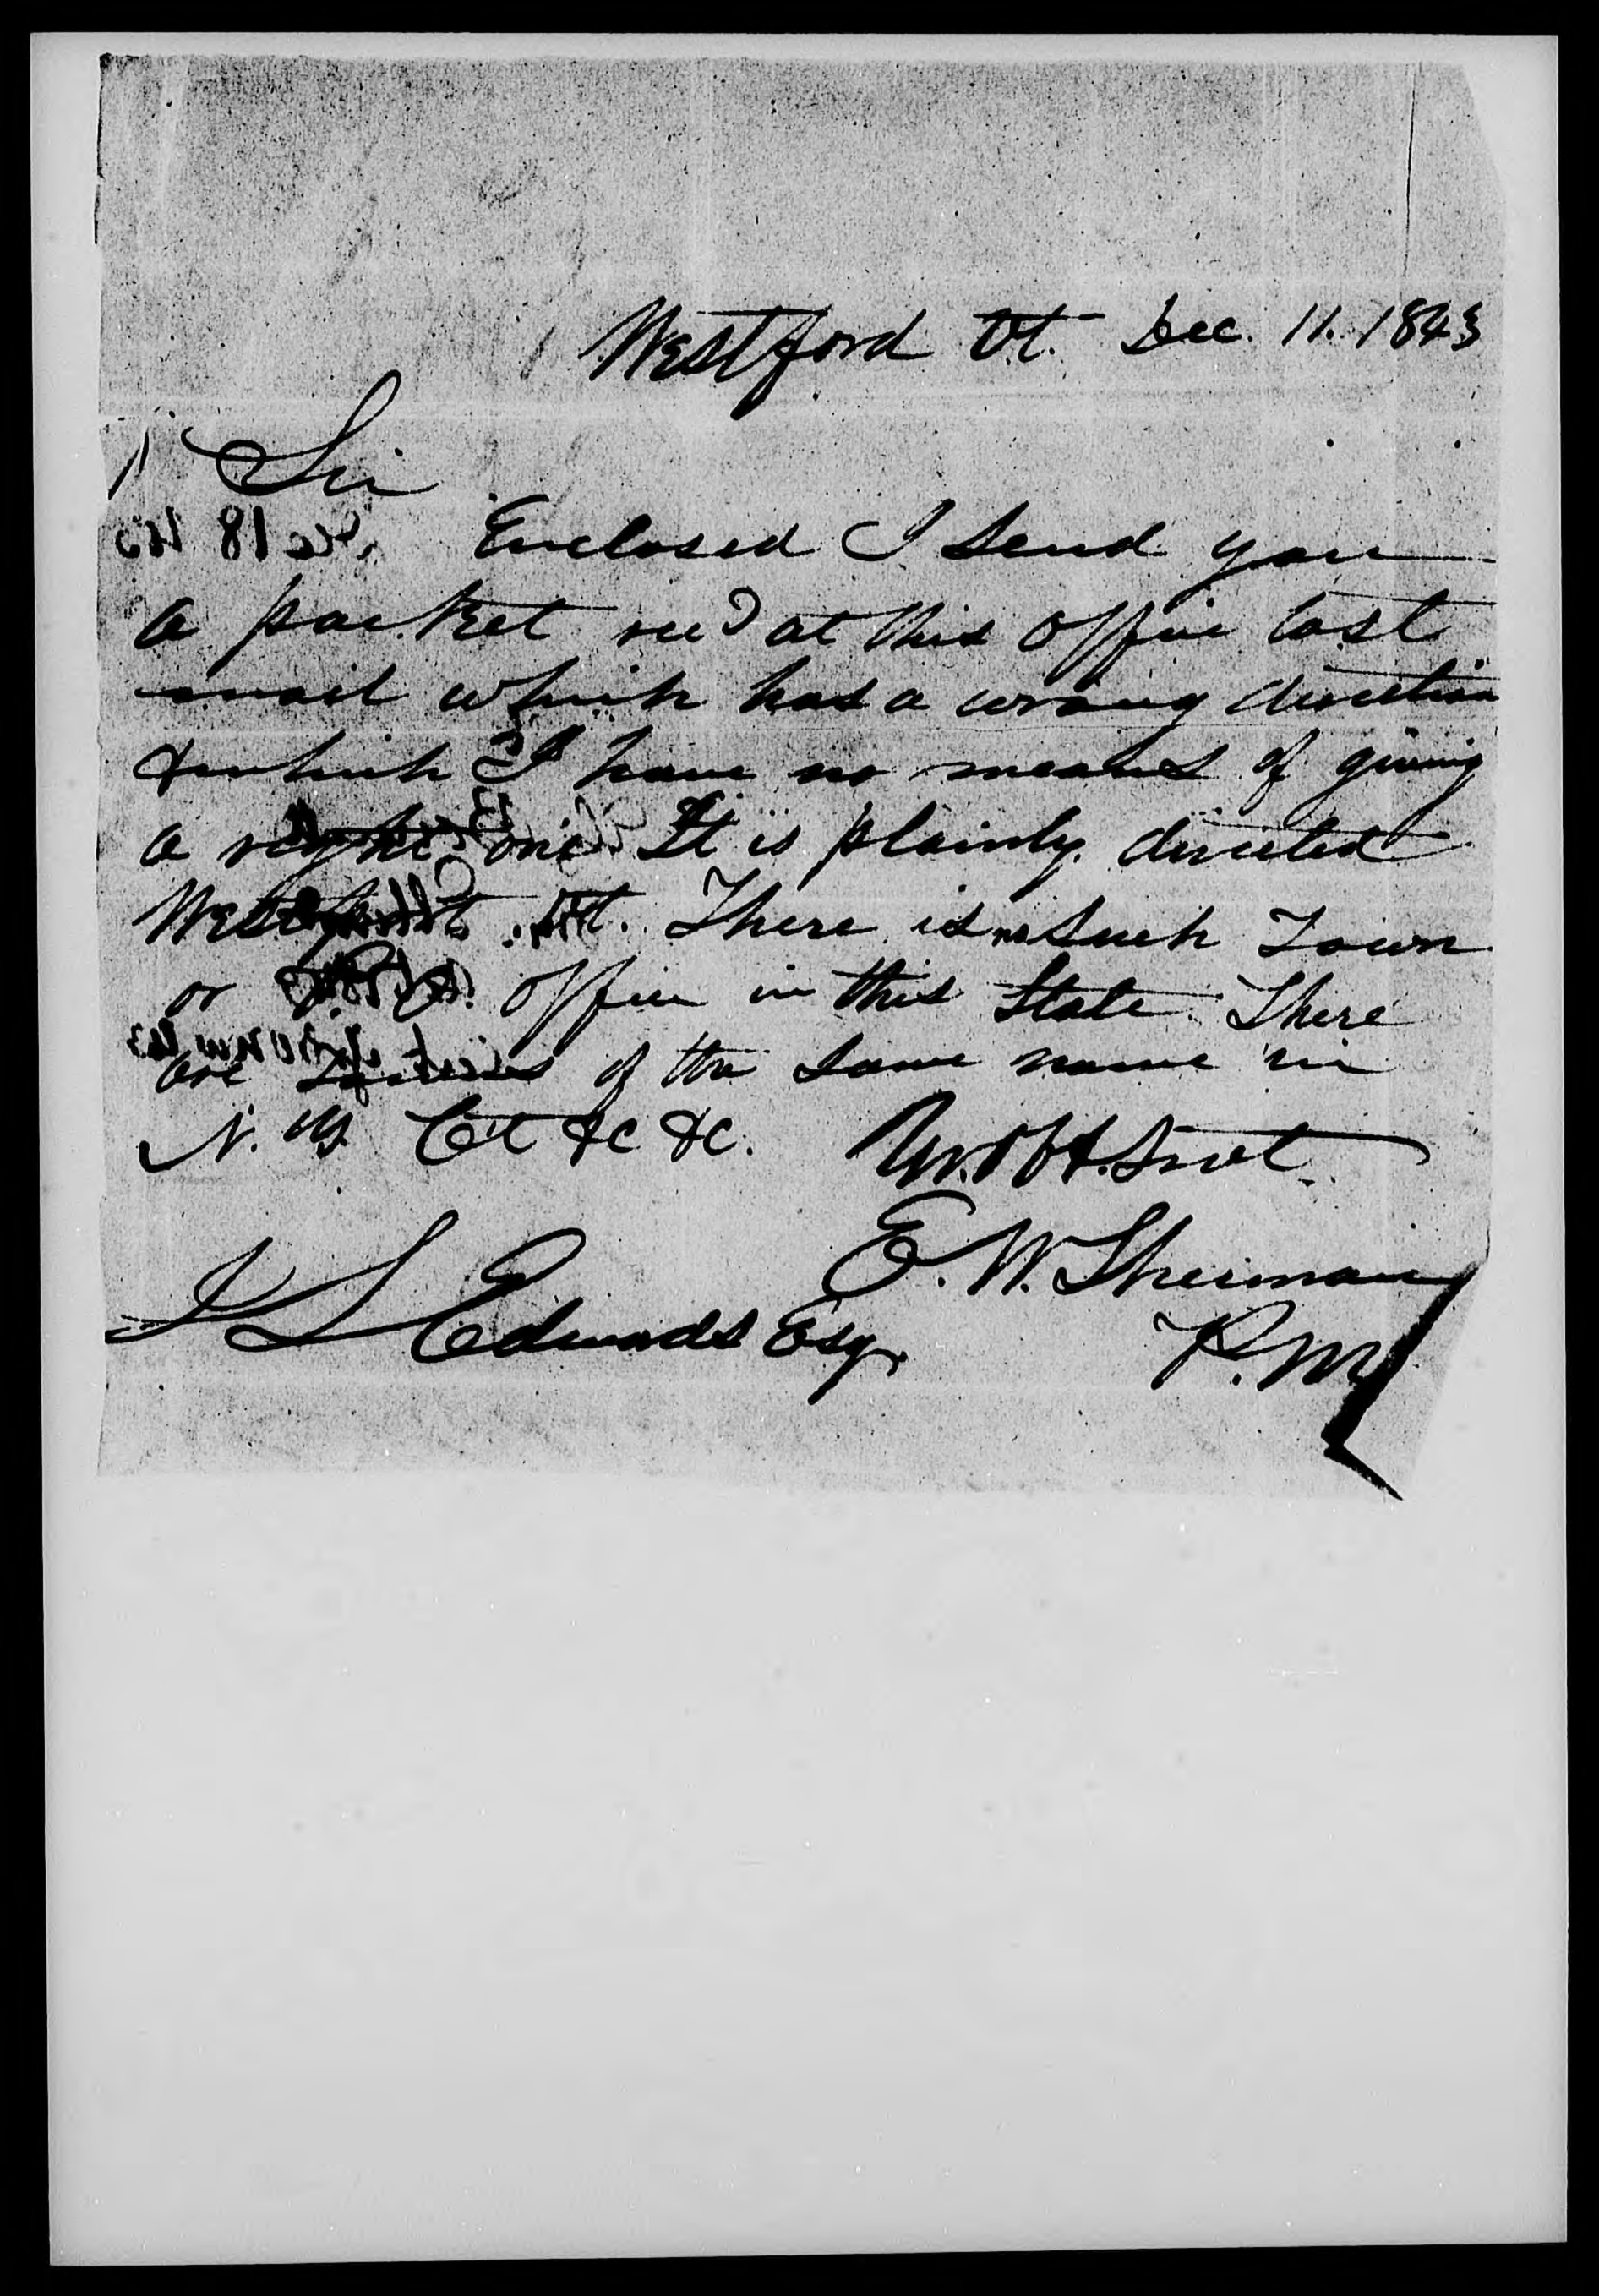Westford Vt. Dec. 11 1843
Sir,
Enclosed I send you
a packet recd at this office last
mail which has a wrong direction
for which I have no means of giving
a right one. It is plainly directed
Westfield, [illegible]. There is no Such Town
or P.O. office in this State. There
are locations of the same name in
N.Y. [illegible] &c. &c.
Yr.Obd.Sevt.
E.W. Sherman
P.M.
JL Edwards Esq.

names: J L Edwards, E W Sherman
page: 40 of 69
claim: widow's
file: W. 25562, Abijah Elwood, Conn.